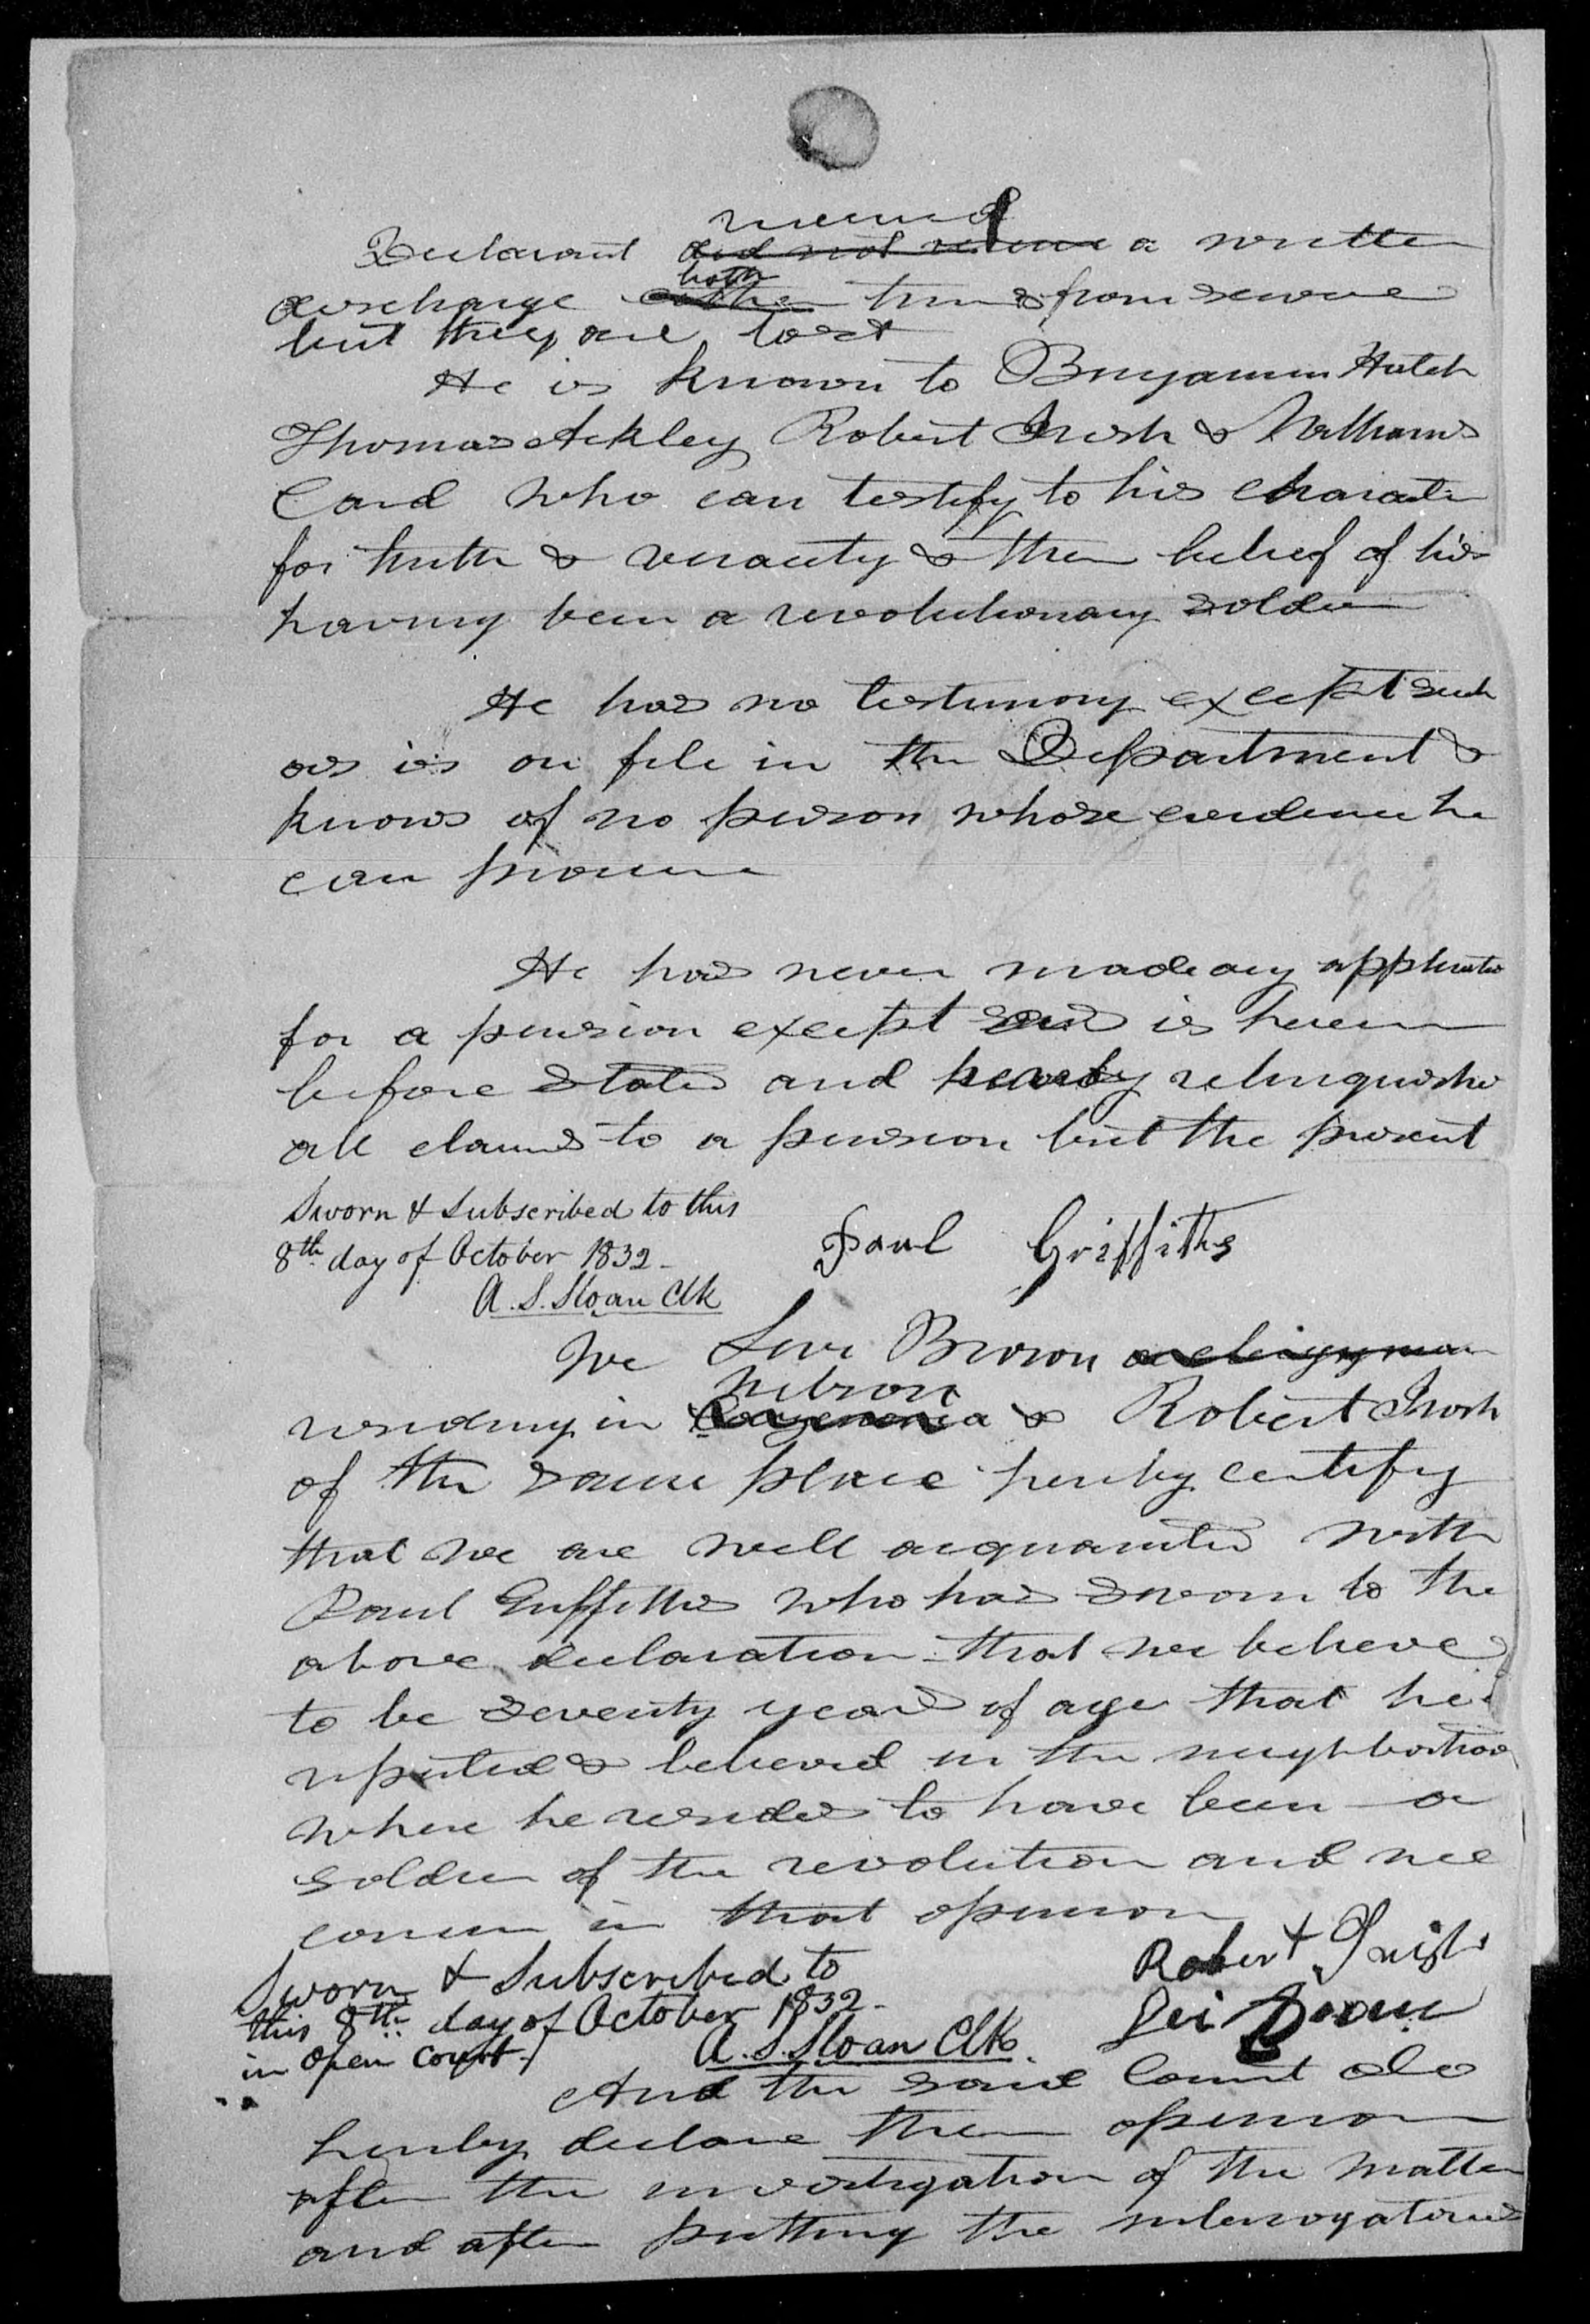Declarant received a written discharge both tours from service but they are lost.

He is known to Benjamin Hutch, Thomas Ackley, Robert Irish & Natham Card who can testify to this character for truth & veracity & then belief of his having been a revolutionary soldier.

He has no testimony except such as is on file in the Department & knows of no person whose evidence he can procure.

He has never made any application for a pension except is herein before stated and hereby relinquishes all who he claims to a pension but the present.

Paul Griffiths

Sworn & Subscribed to this 8th day of October, 1832.
A.S. Sloan Clk

We, Levi Brown, residing in Nelson & Robert Irish of the same place hereby certify that we are well acquainted with Paul Griffiths who has sworn to the above declaration - that we believe to be seventy years of age that he reported & believed in the neighborhood where he resided to have been a soldier of the revolution and we concur in that opinion.

Robert Irish
Levi Brown

Sworn & Subscribed to this 8th day of October, 1832  in open court - A.S. Sloan, Clk

And the same Court also hereby declare their opinion after the investigation of the matter and after putting the interrogators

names: Robert Irish, Williams Card, A S Sloan, Robert Irish, Paul Griffiths, A S Sloan, Robert Irish, Paul Griffiths, Thomas Ackley, Benjamin Hutch, Lei Brown, Levi Brown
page: 7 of 61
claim: survivor's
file: S. 22798, Paul Griffiths, R.I.